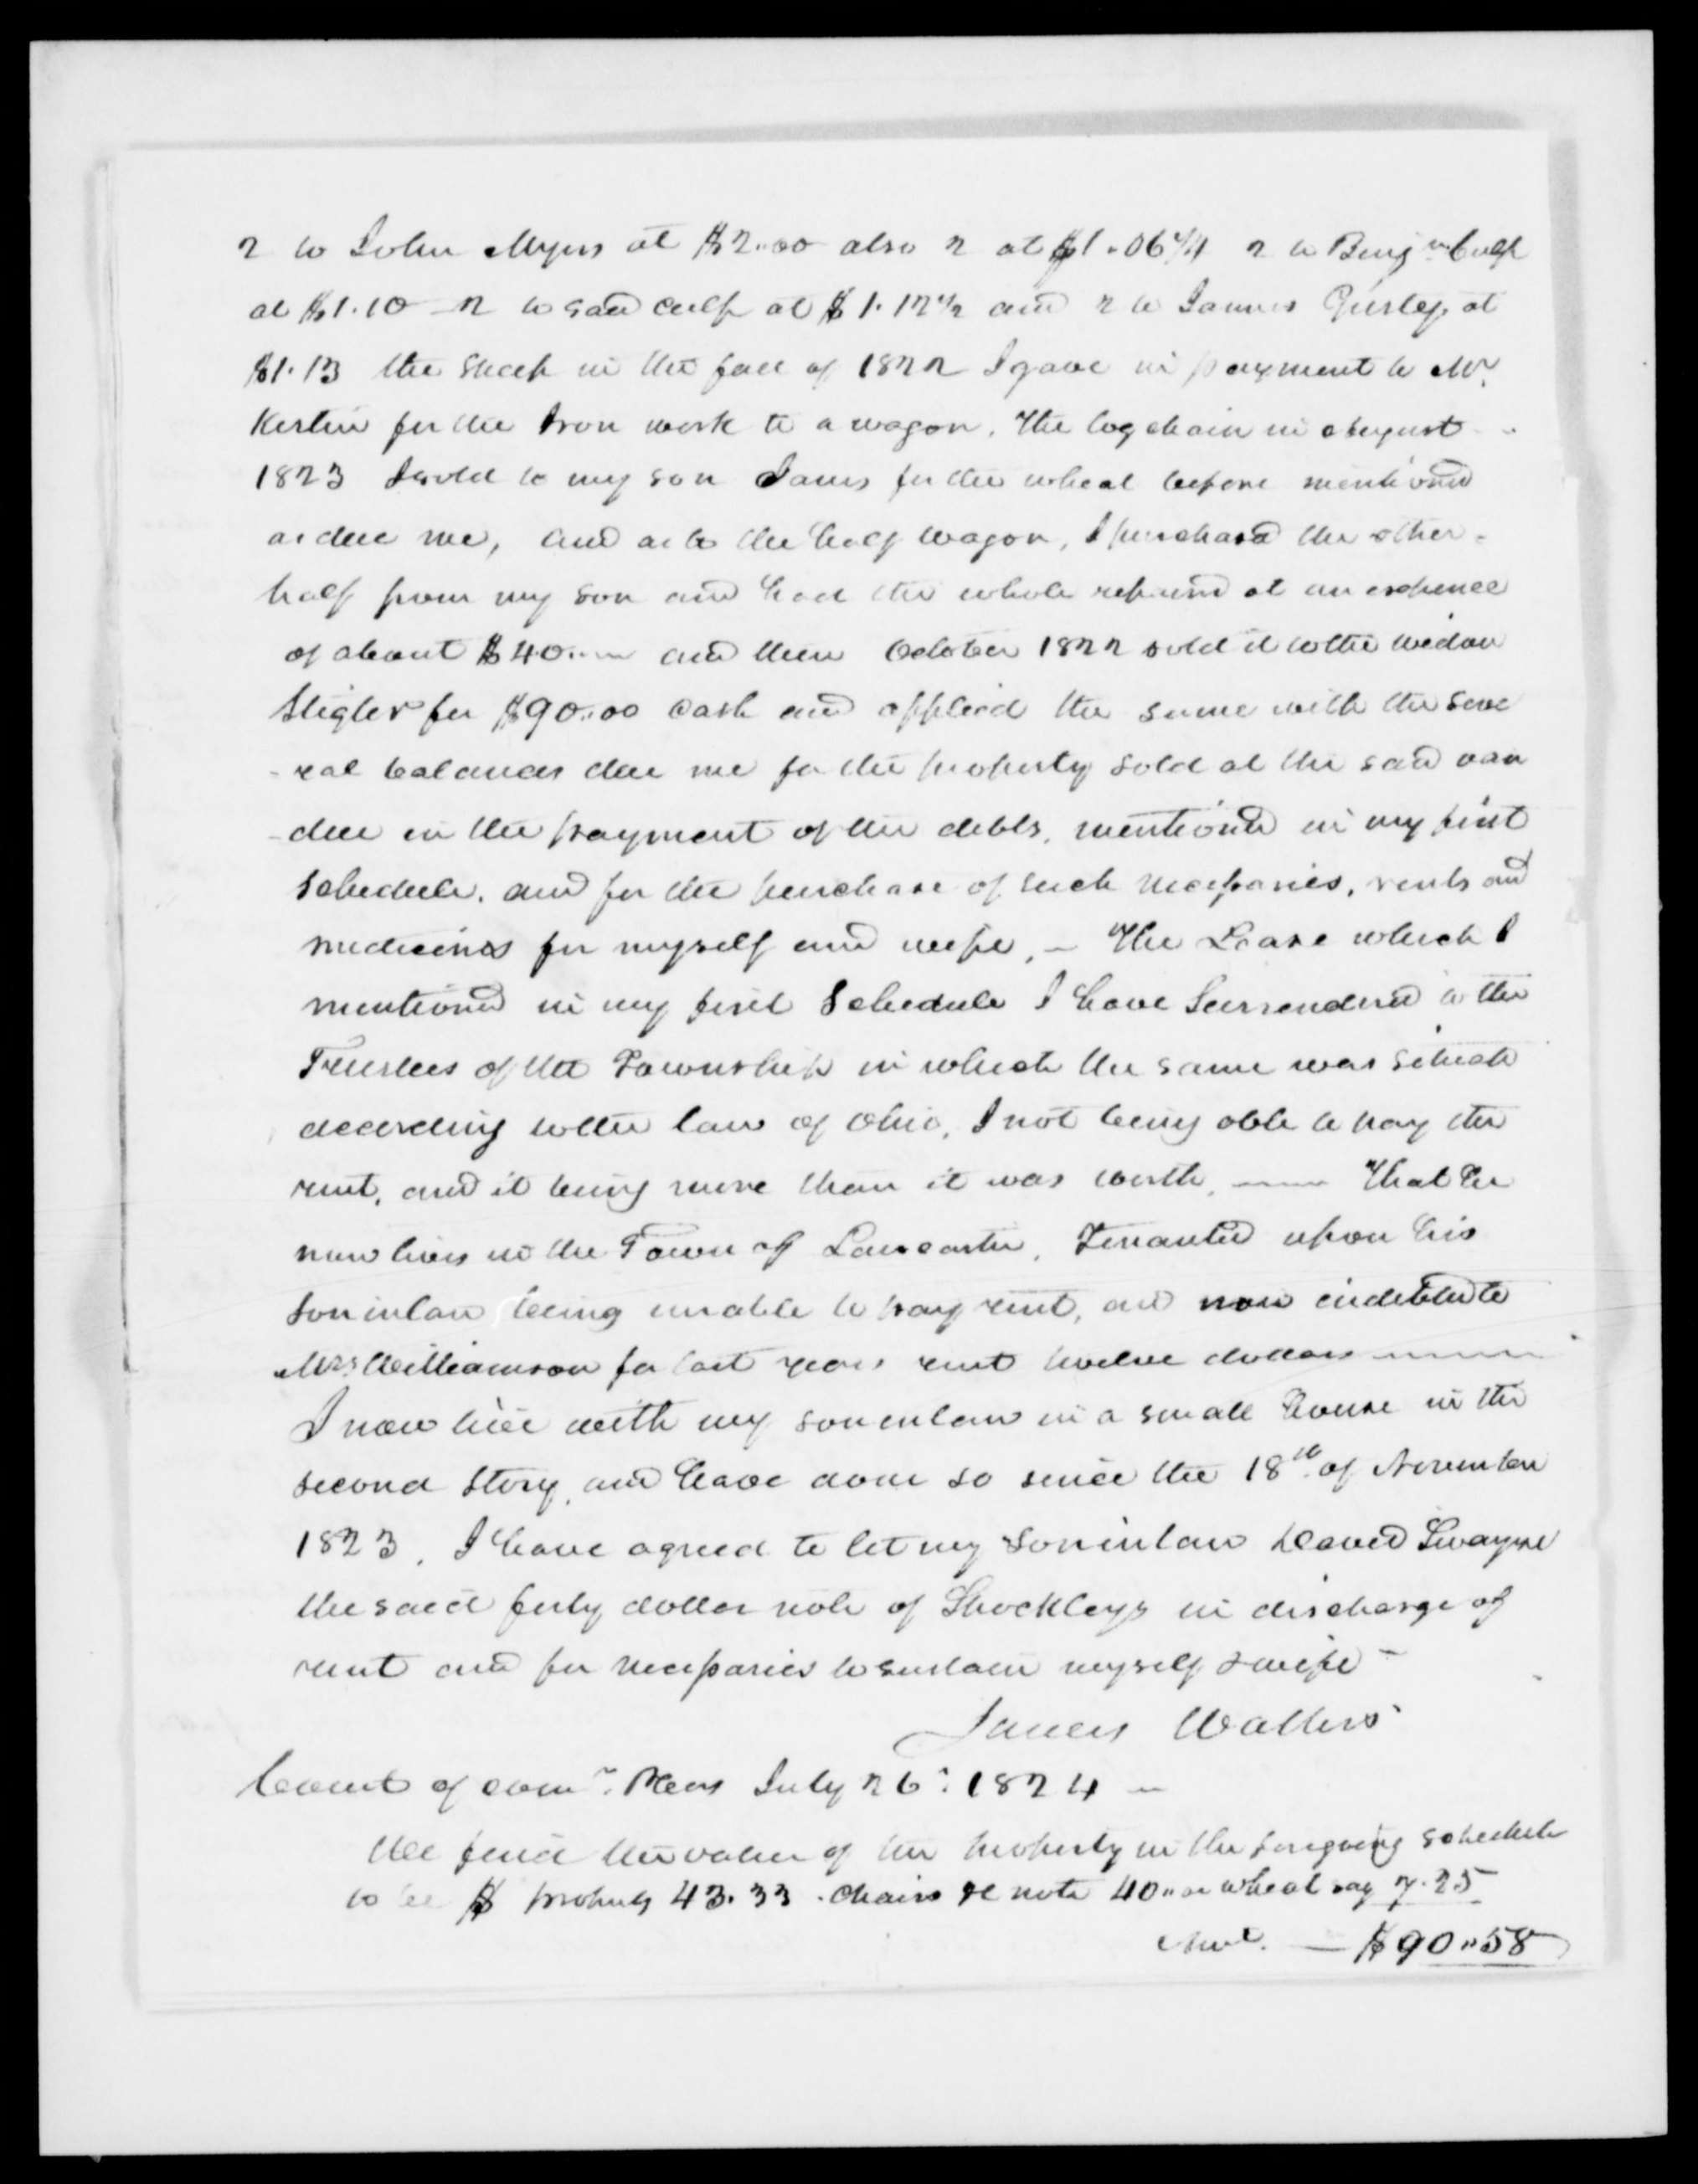2
to John Myers at $2.00 also 2 at 1.06 Benjm. Culfal at $1.10 [illegible] to said Culfal $1.12 1/2 and James Gurley at $1.13 the sheep in the fall of 1842 I gave in payment a Mr Kerlin for the Iron work to a wagon, the log chain in August 1823 sold to my son James for the wheat before mentioned due me, and as to the half wagon, purchard the other half from my son and had the whole refund at an expence of about $40. and then October 1842 sold it to the widow Stigler for $90.00 cash and applied the same with the see a balance due me for the property sold at the said an due in the payment of the debts, mentioned in my first Schedule. and for the purchase of such necessaries, rents and medicines for myself and wife, - The Lease which I mentioned in my first Schedule I have Surrendered to the Trustees of the Township in which the same was situatd accerding with law of Ohio, I not being able a pay the rent, and it being more than it was worth, --- that he now lives in the Town of Lancaster, Tenanted upon his Son in law being unable to pay rent, and now indebted to Mrs Williamson for last years rent and twelve dollars --- I now live with my son in law in a small house in the second story, and have done so since the 18th of November 1823. I have agreed to let my son in law David Swayne the said ferty dollar note of Shockleys in discharge of rent and for necessaries to sustain myself & wife -
James Walters
Court of Comn. Pleas July 26. 1824
We find the value of the property in the foregoing Schedule
to $ [illegible] 43.33 chains & note 40" wheat say 7.25
 [illegible].  - $ 90.58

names: Kerlin, David Swayne, James Gurly, Stigler, James Watters, John Myers, Williamson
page: 8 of 29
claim: survivor's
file: S. 40642, James Waters, Continental (Md)